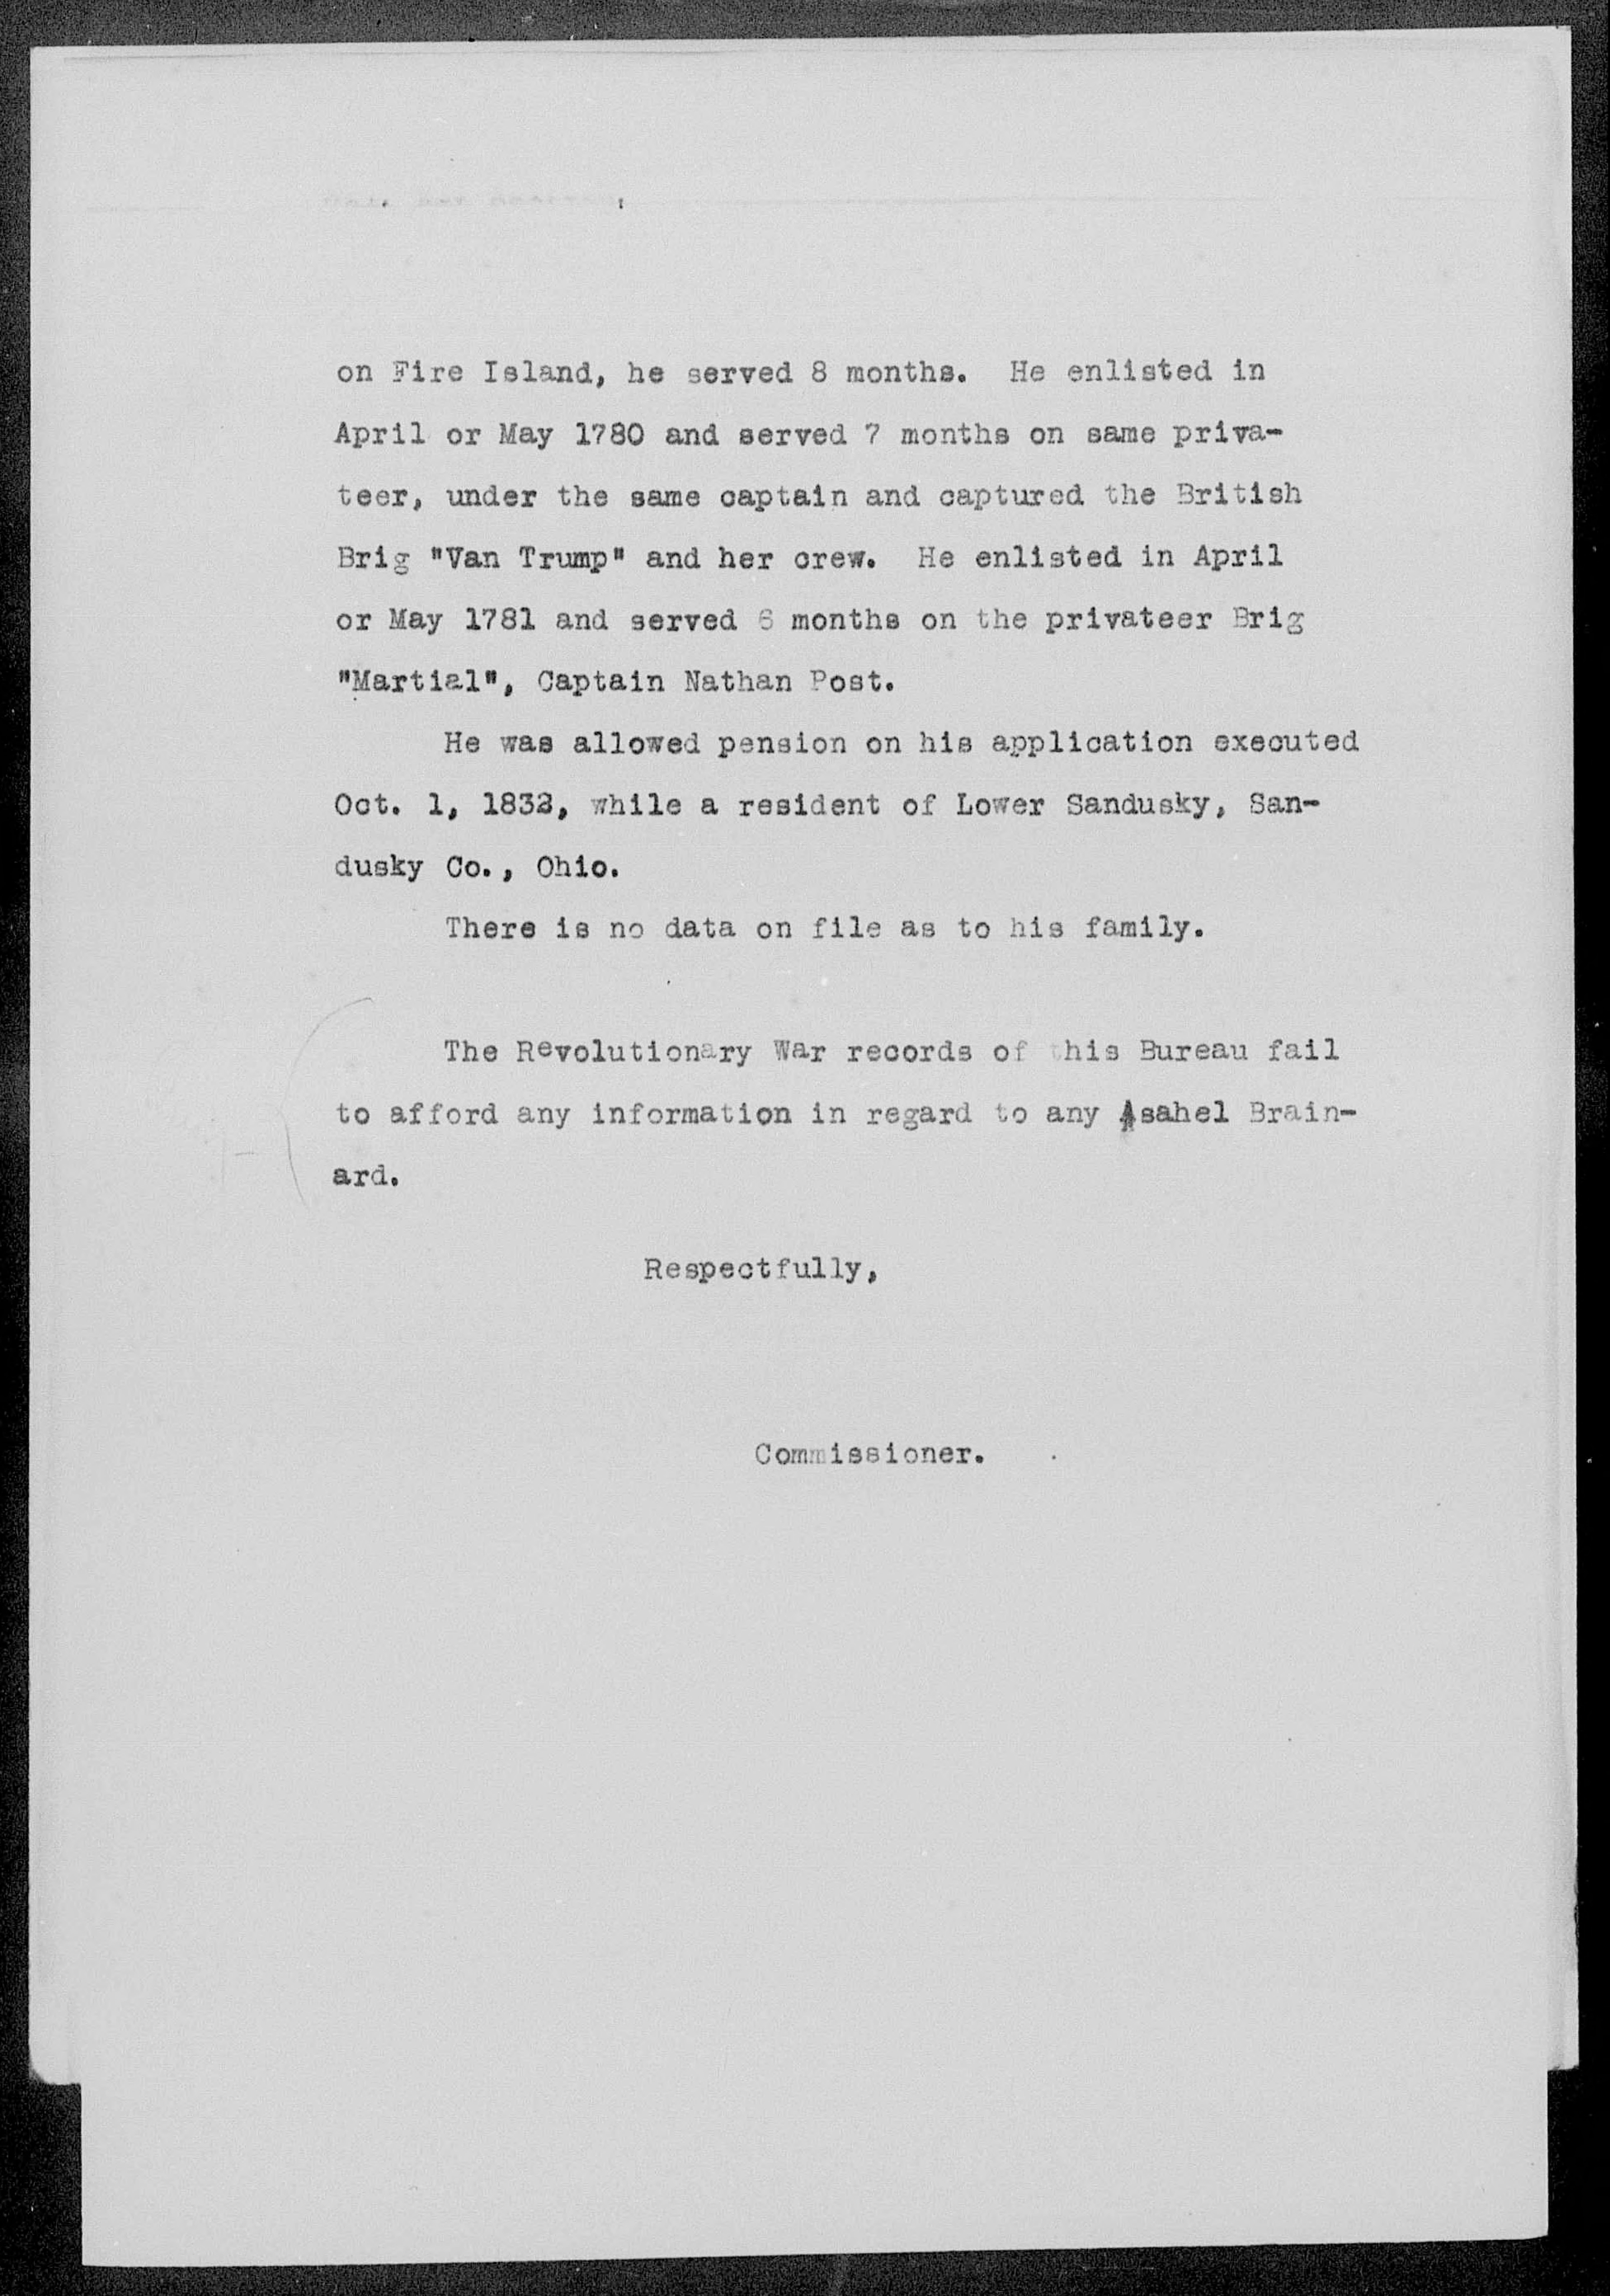on Fire Island, he served 8 months. He enlisted in April or May 1780 and served 7 months on same privateer, under the same captain and captured the British Brig "Van Trump" and her crew. He enlisted in April or May 1781 and served 6 months on the privateer Brig "Martial", Captain Nathan Post.
He was allowed pension on his application executed Oct. 1, 1832, while a resident of Lower Sandusky, Sandusky Co., Ohio.
There is no data on file as to his family.
The Revolutionary War records of this Bureau fail to afford any information in regard to any Asahel Brainard.
Respectfully,
Commissioner.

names: Asahel Brainard, Nathan Post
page: 30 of 30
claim: survivor's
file: S. 3099, Daniel Brainard, Conn. Privateer